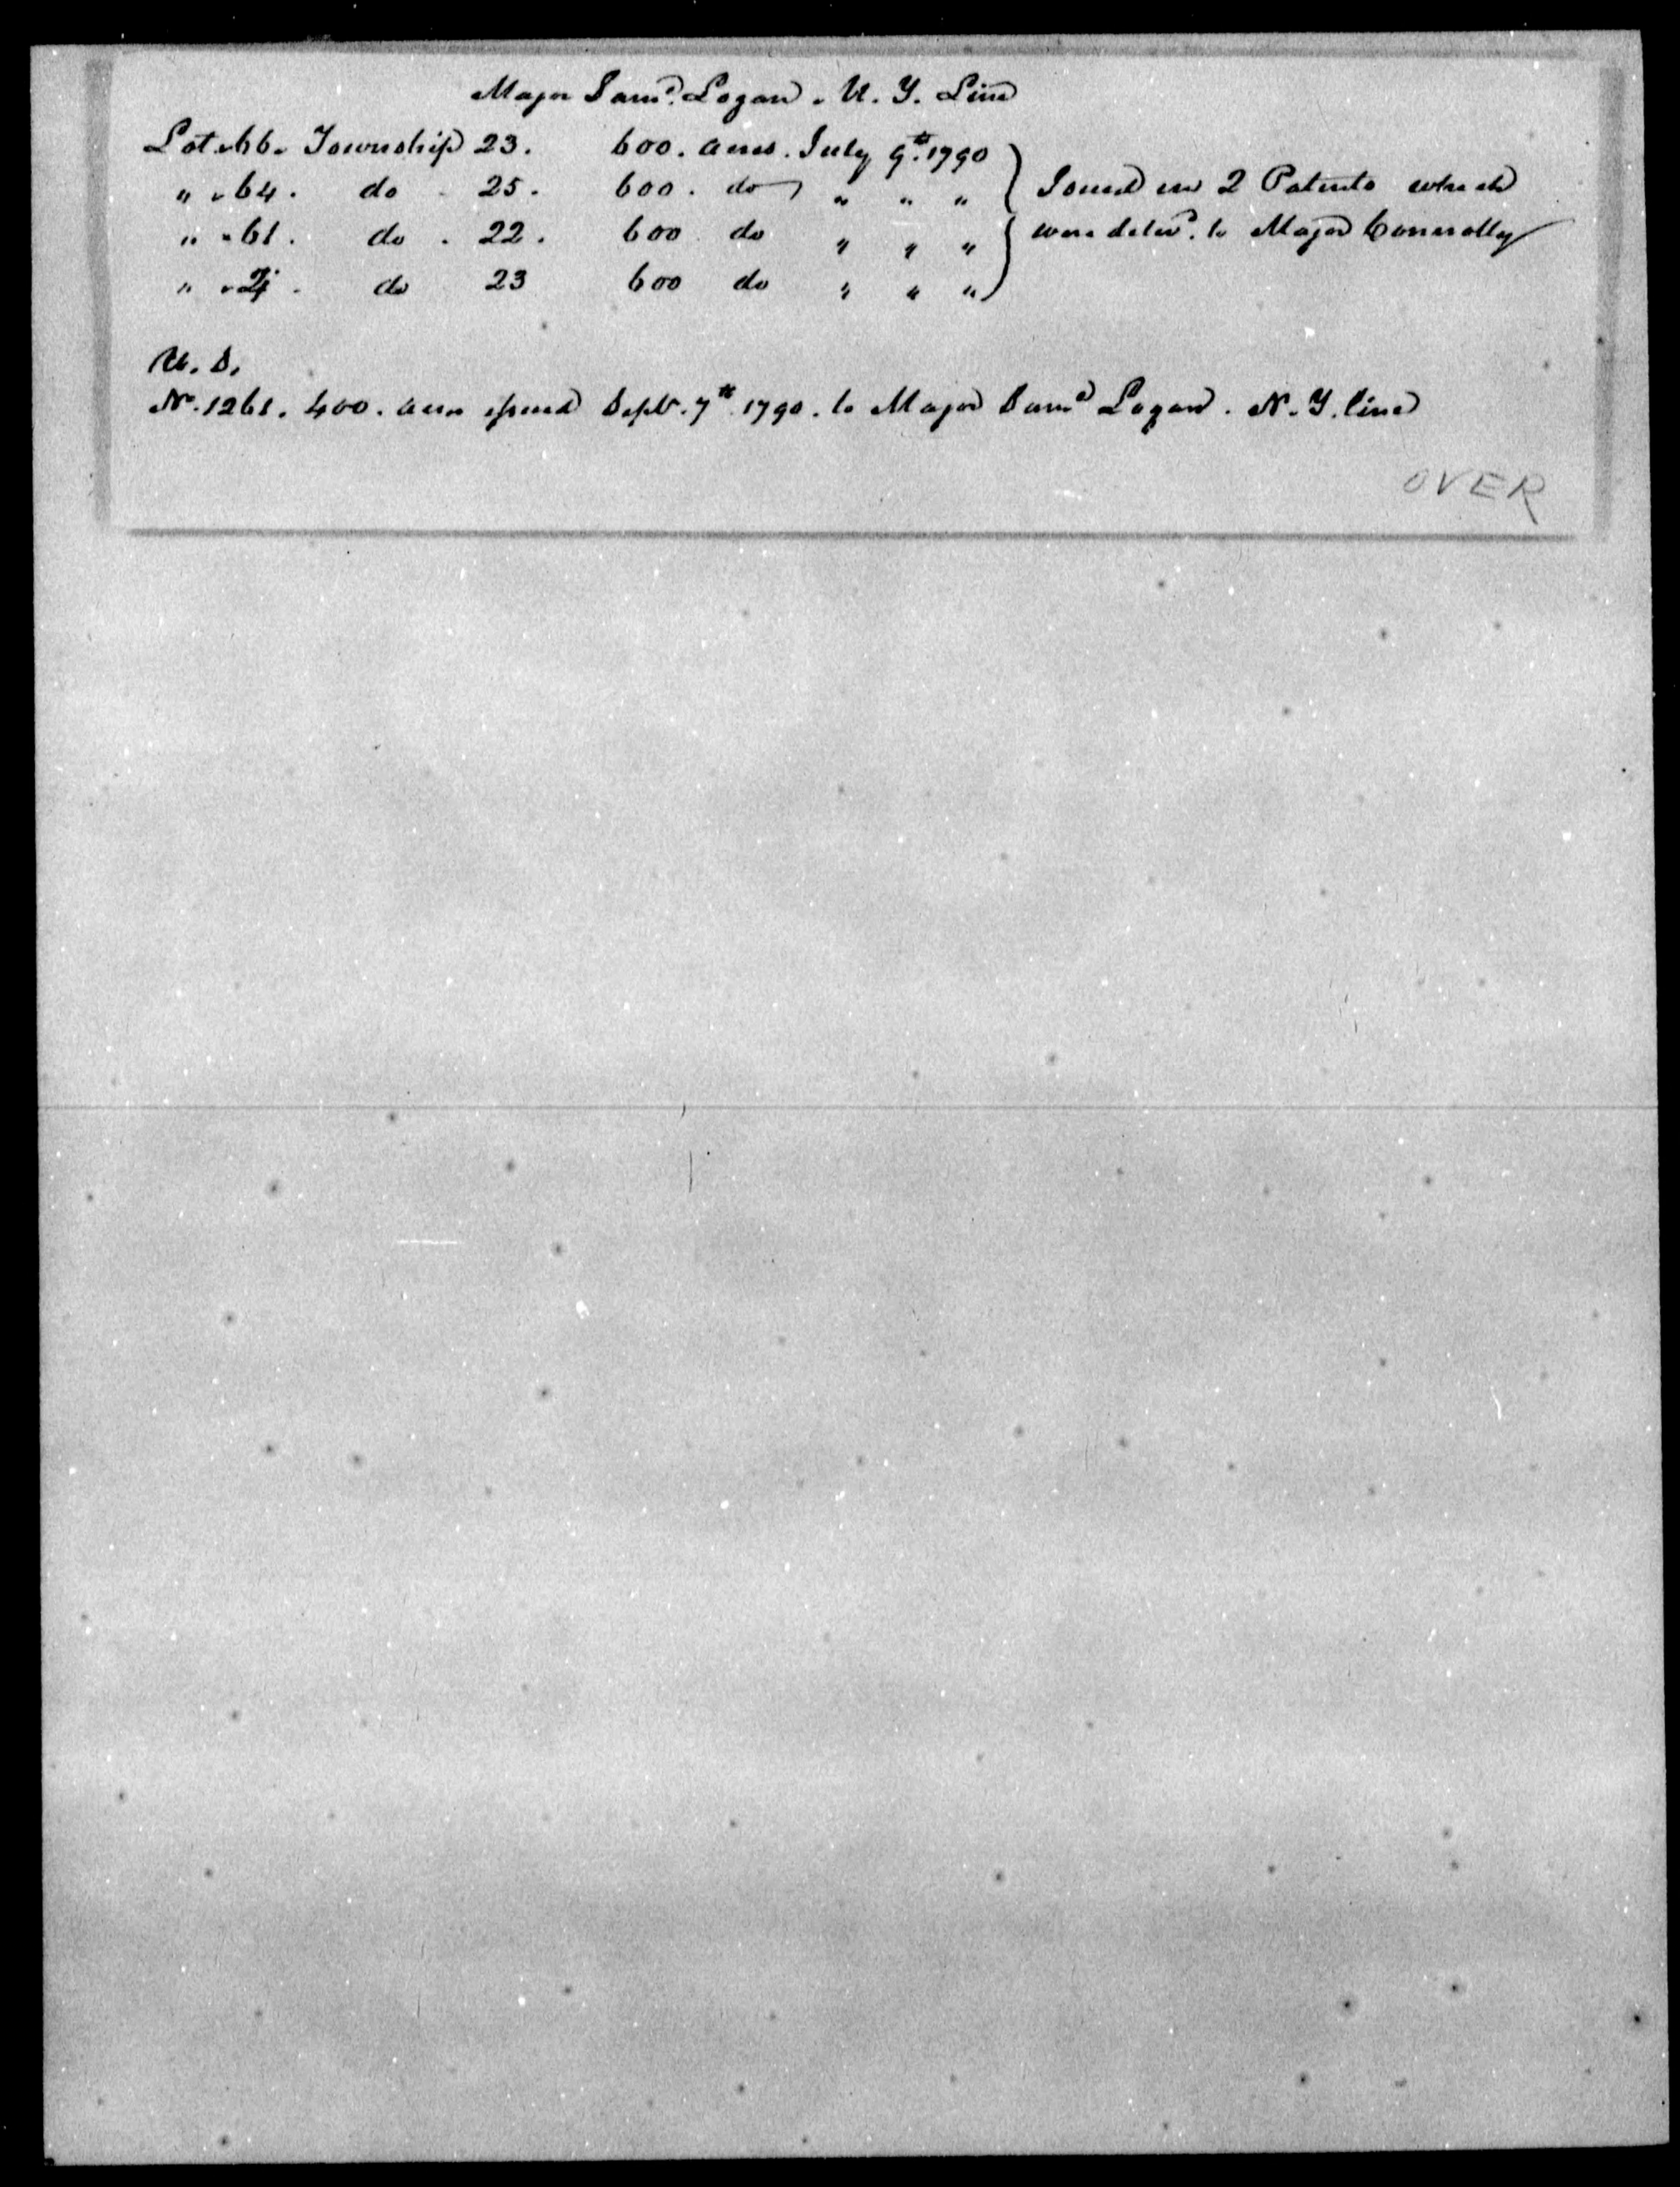Major Saml. Logan N. Y. Line

Lot 66.  Township 23.  600 acres.  July 9th 1790
Lot 64.  Township 25.  600 acres  July 9th 1790
Lot 61.  Township 22.  600 acres  July 9th 1790
Lot 21.  Township 23   600 acres  July 9th 1790
Issued in 2 Patents which 
were dated to Major Connally


Rt. D. [?]
No. 1261.  400 acres issued Sept. 7th 1790. to Major Saml. Logan N.Y. line

OVER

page: 30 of 59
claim: bounty land warrant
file: B.L.Wt. 2359-500, for Owen Roberts, South Carolina